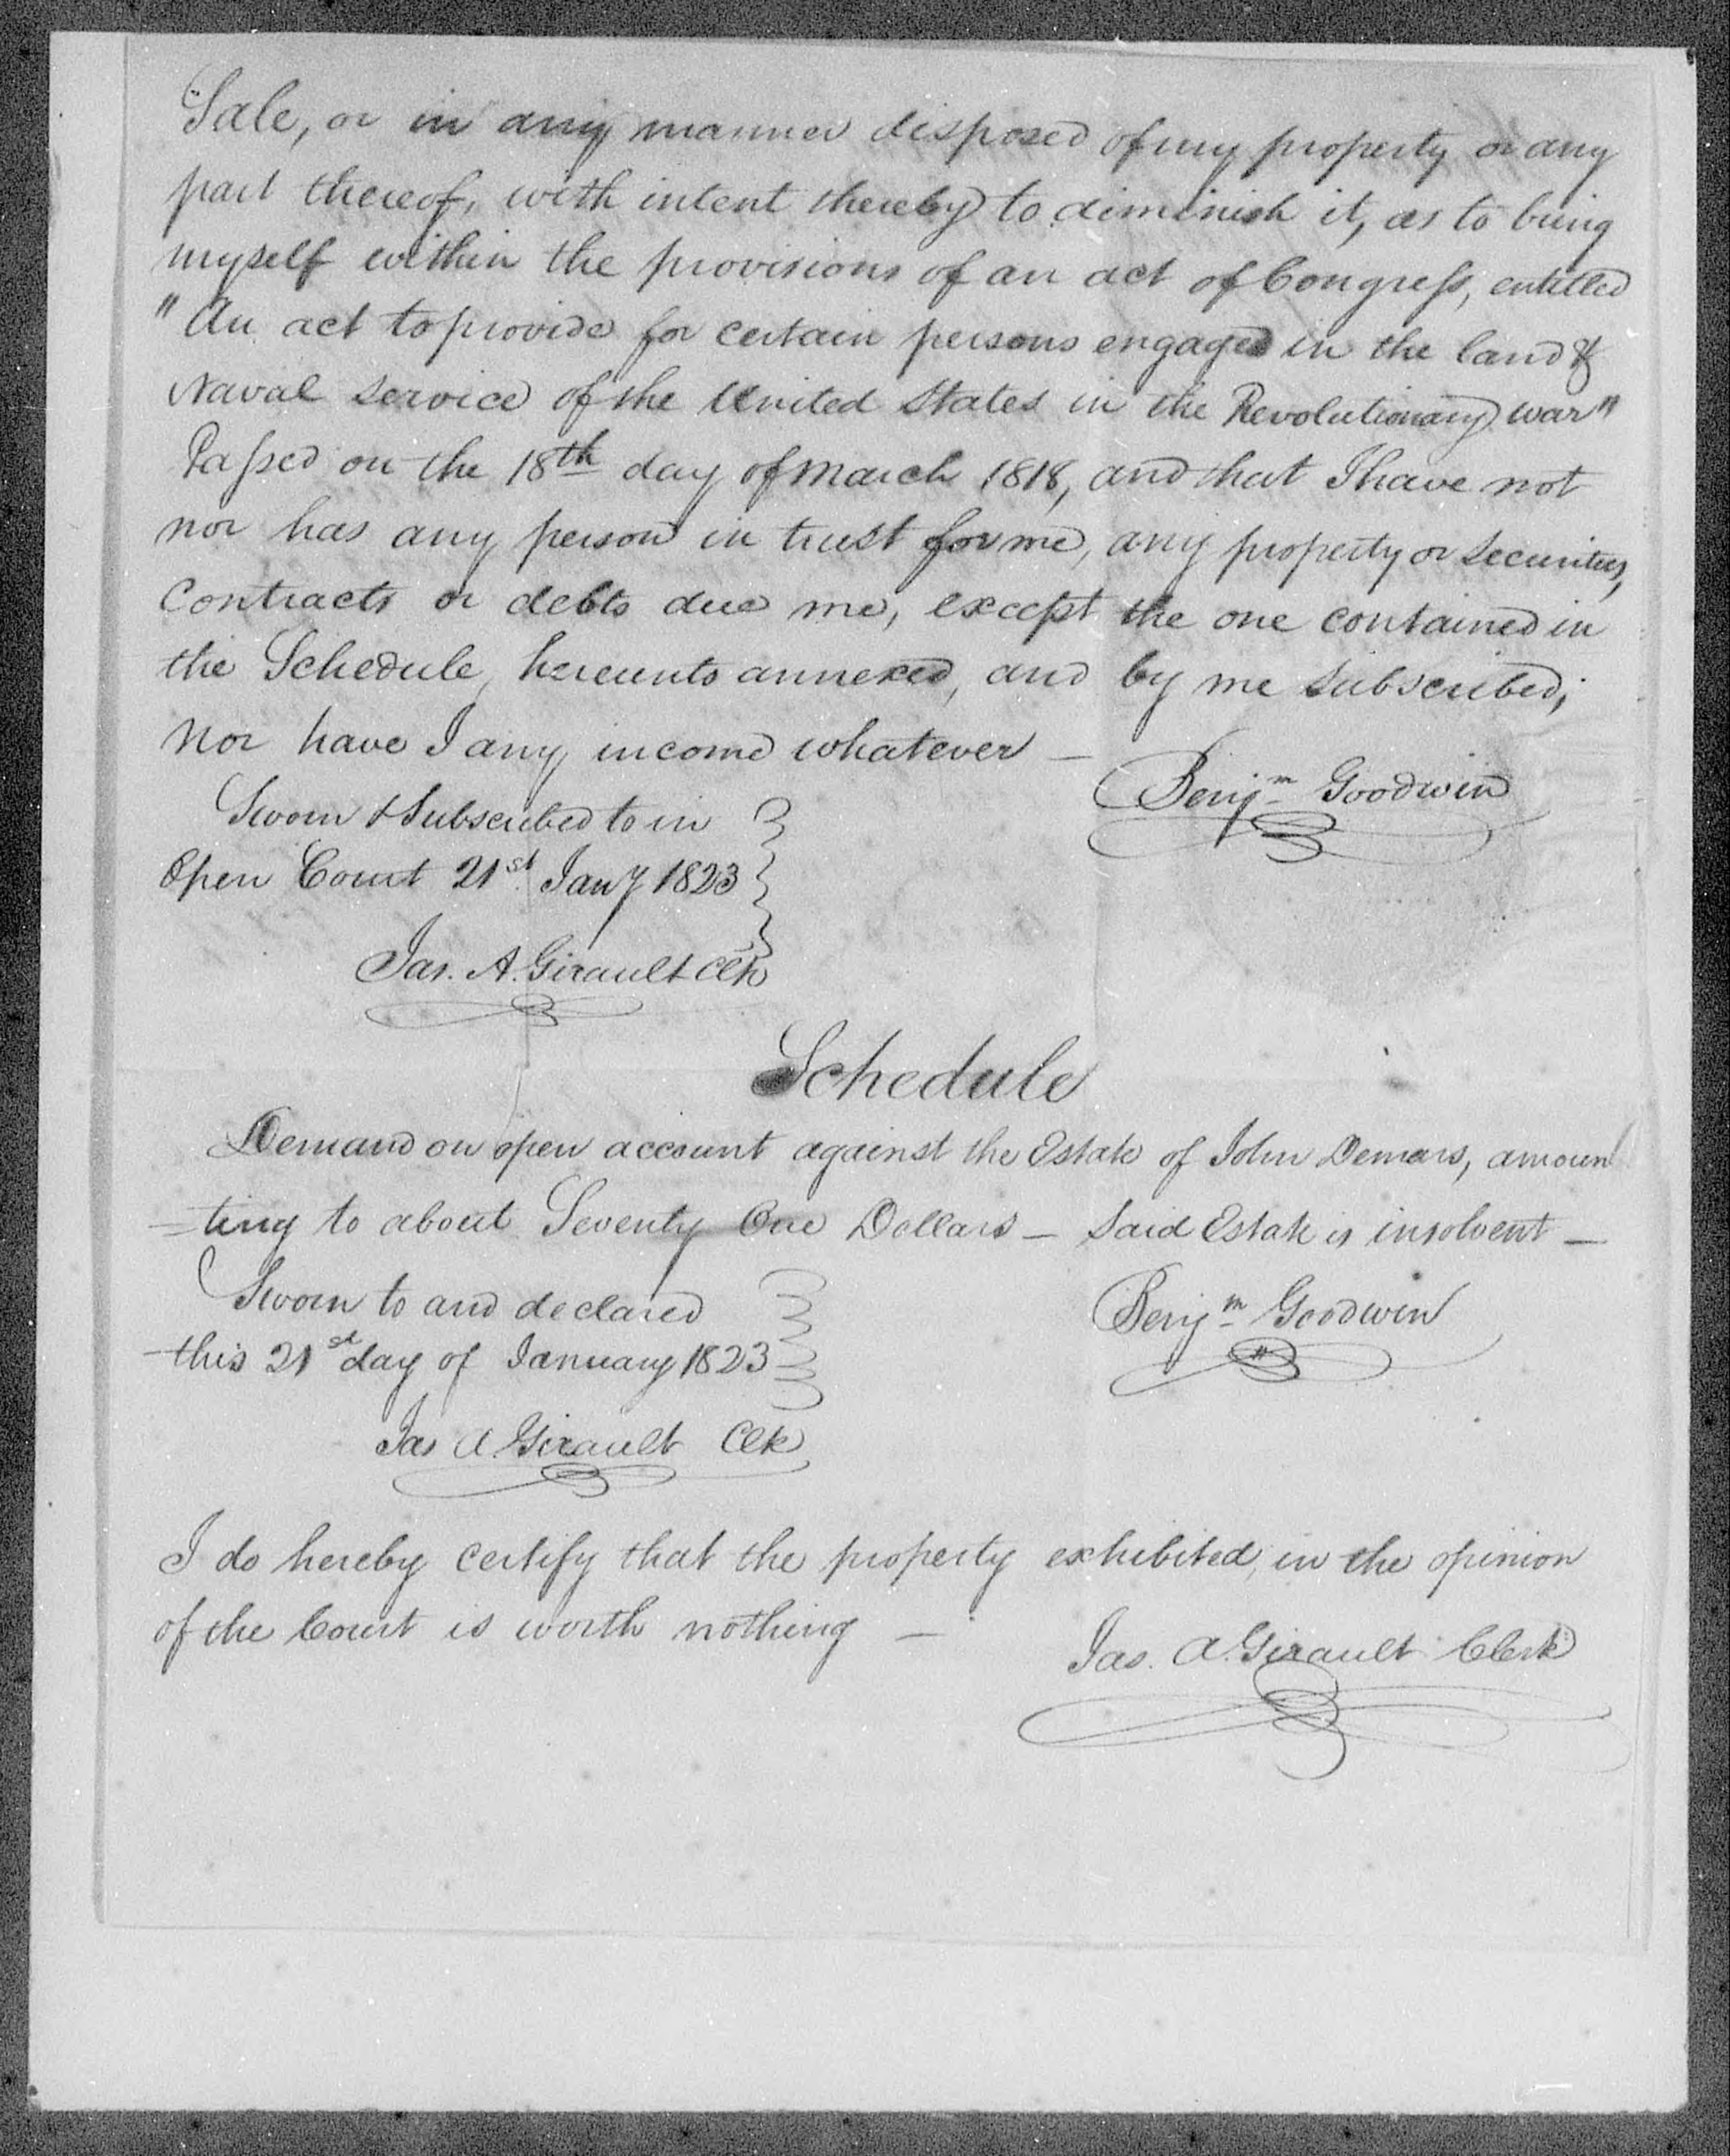sale, or in any manner disposed of my property or any part thereof, with intent thereby to diminish it, as to bring myself within the provisions of an act of Congress, entitled "An act to provide for certain persons engaged in the Land & Naval Service of the United States in the Revolutionary war" Passed on the 18th day of March 1818, and that I have not nor has any person in trust for me, and property or Security Contracts or debts due me, except the one contained in the Schedule, hereunto annexed, and by me subscribed, no have I any income whatever- 
Benj. Goodwin
Sworn & Subscribed to in open Court 21st Jany. 1823{
Jas. A. Girault Clk
Schedule
Demand on open account against the Estate of John Demars, amounting to about Seventy One Dollars - Said Estate is insolvent - 
Benjn. Goodwin
Sworn to and declared this 21st day of January 1823}
Jas. A. Girault Clk
I do hereby certify that the property exhibited in the opinion of the Court is worth nothing - 
Jas. A. Girault Clerk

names: Jas A Girault, Benjn Goodwin, Jas A Girault, John Demars, Benjn Goodwin, Jas A Girault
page: 10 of 24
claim: survivor's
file: S. 34903, Benjamin Goodwin, Va.